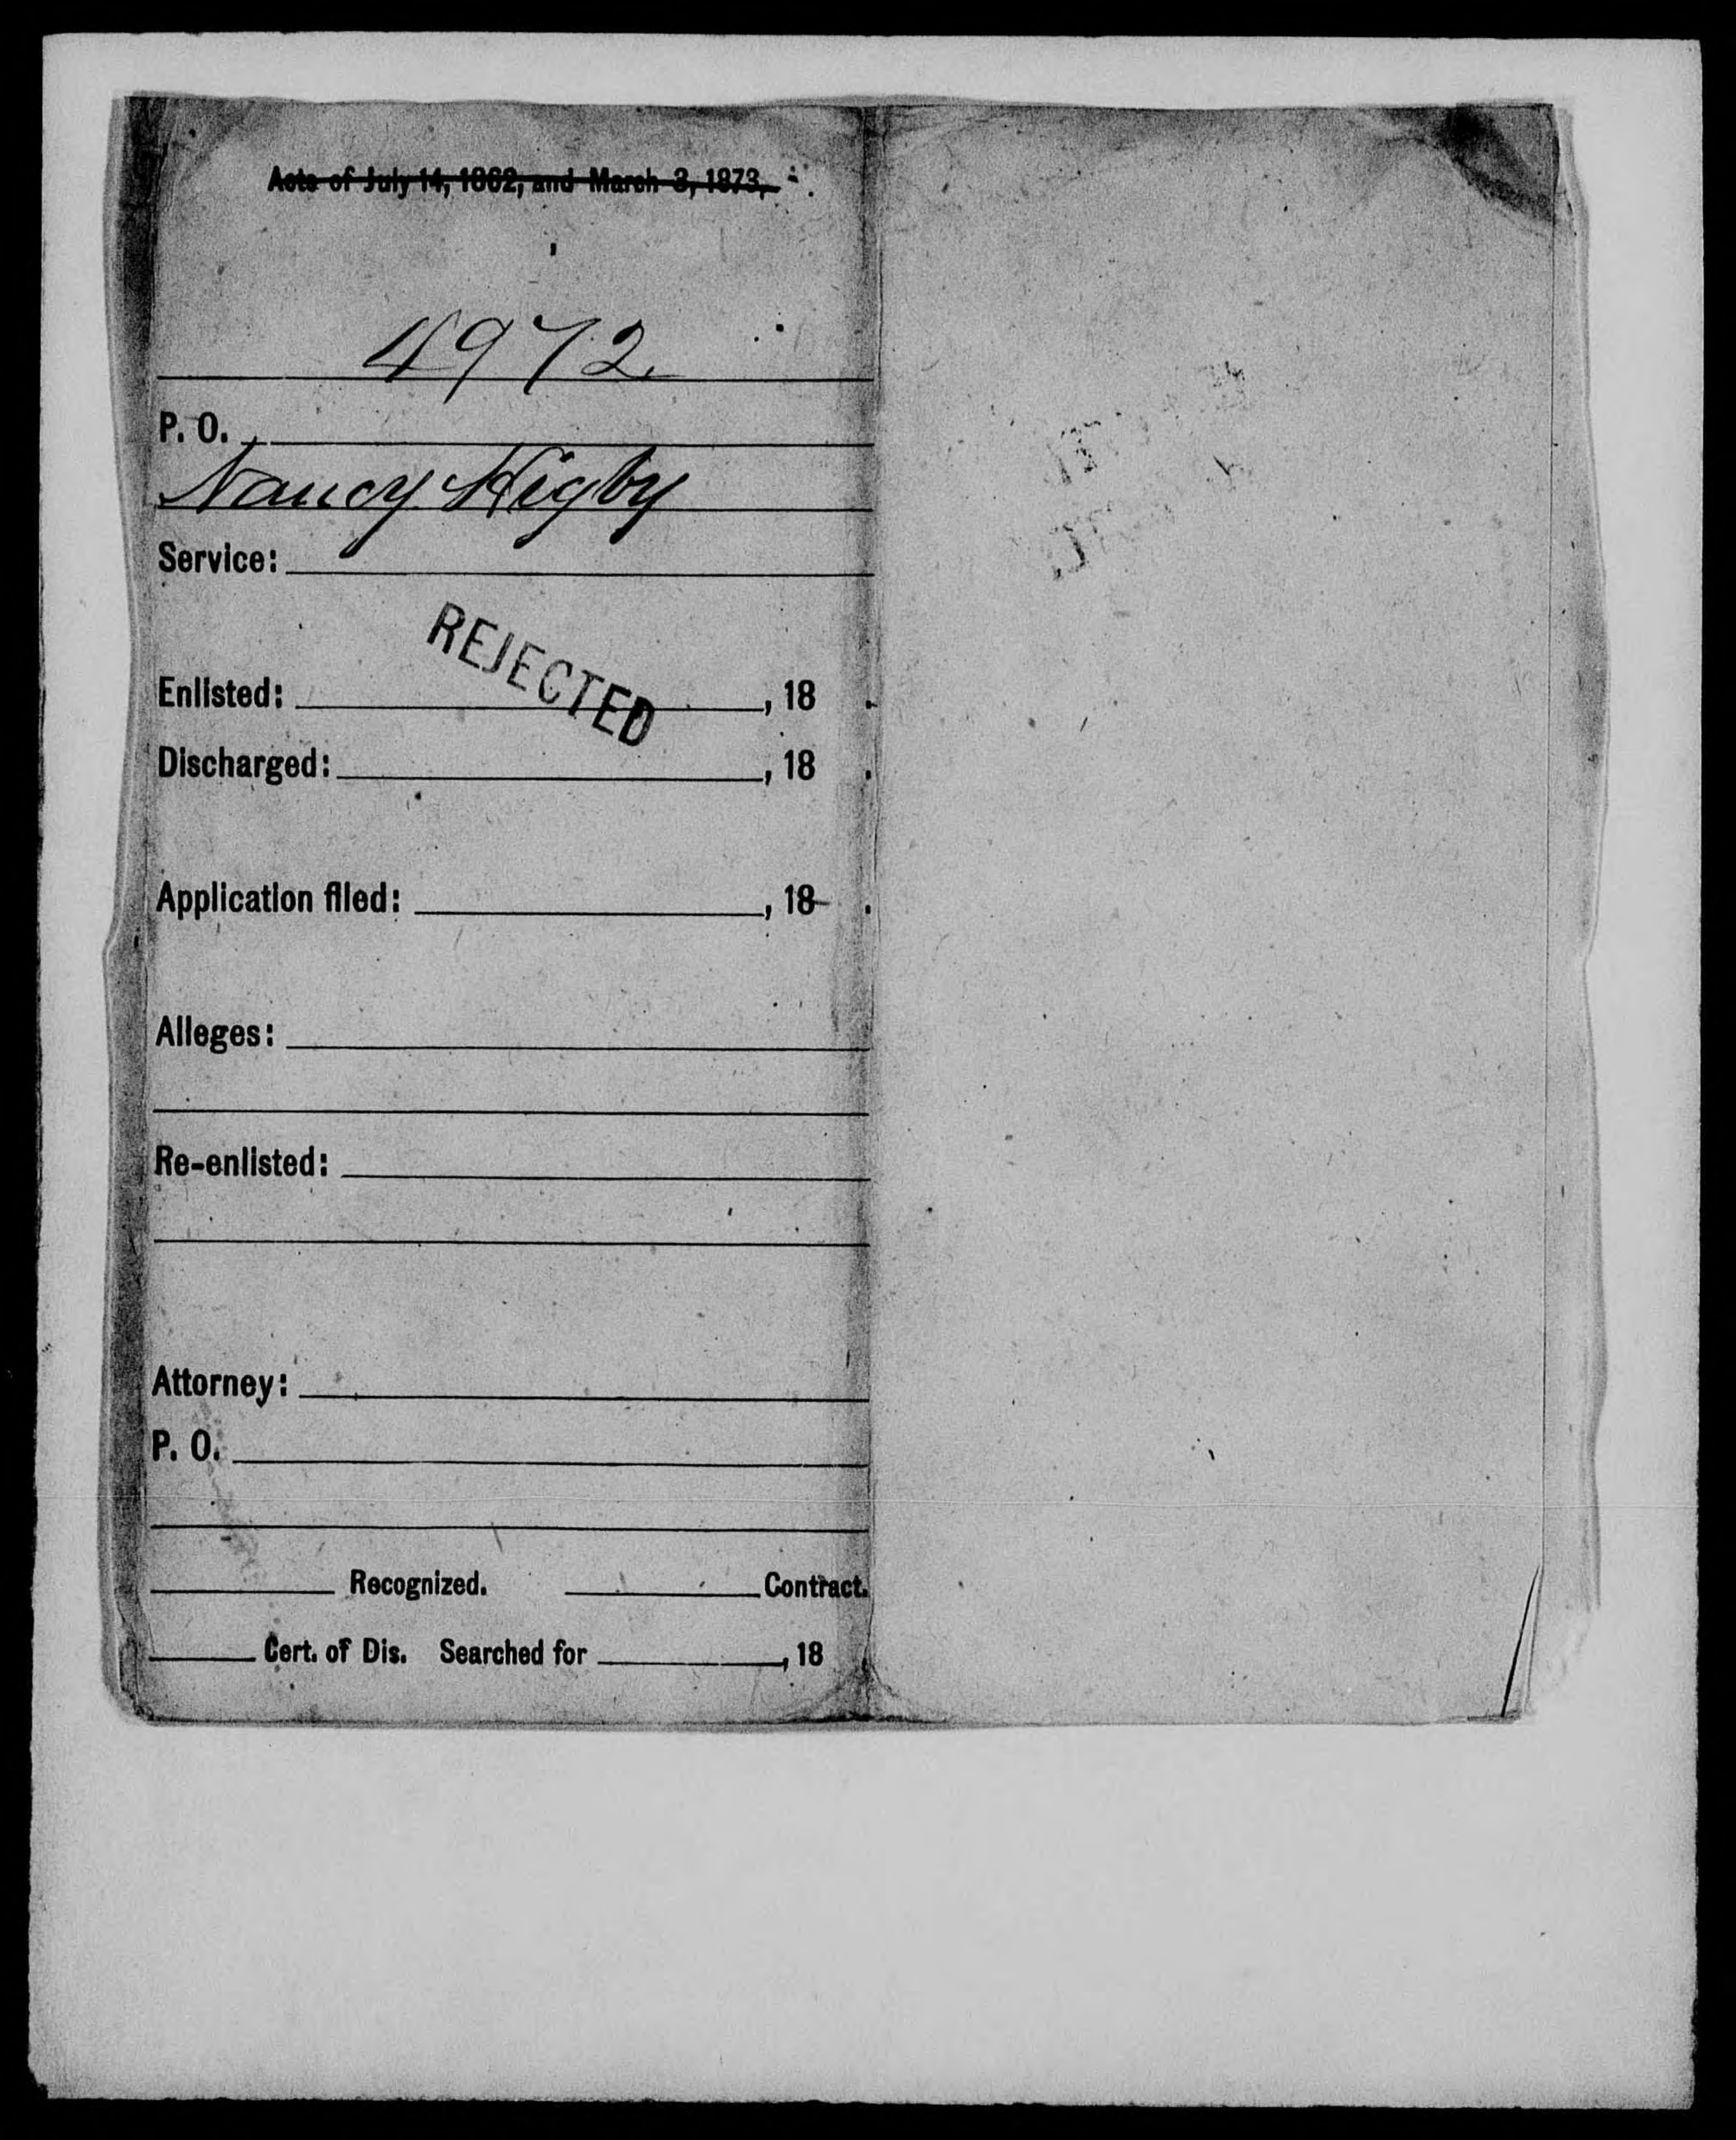Form:

[Struck through] Acts of July 14, 1862, and March 3, 1873,

4972

P.O.  Nancy Higby

Service:

Enlisted: REJECTED[Stamped], 18
Discharged:   , 18

Application filed:   , 18

Alleges:
Re-enlisted:
Attorney:
P.O.

Recognized.    Contract.
Cert. of Dis.    Searched for   , 18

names: Nancy Higby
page: 21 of 25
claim: rejected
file: R. 4972, Nathaniel Higby, Conn.